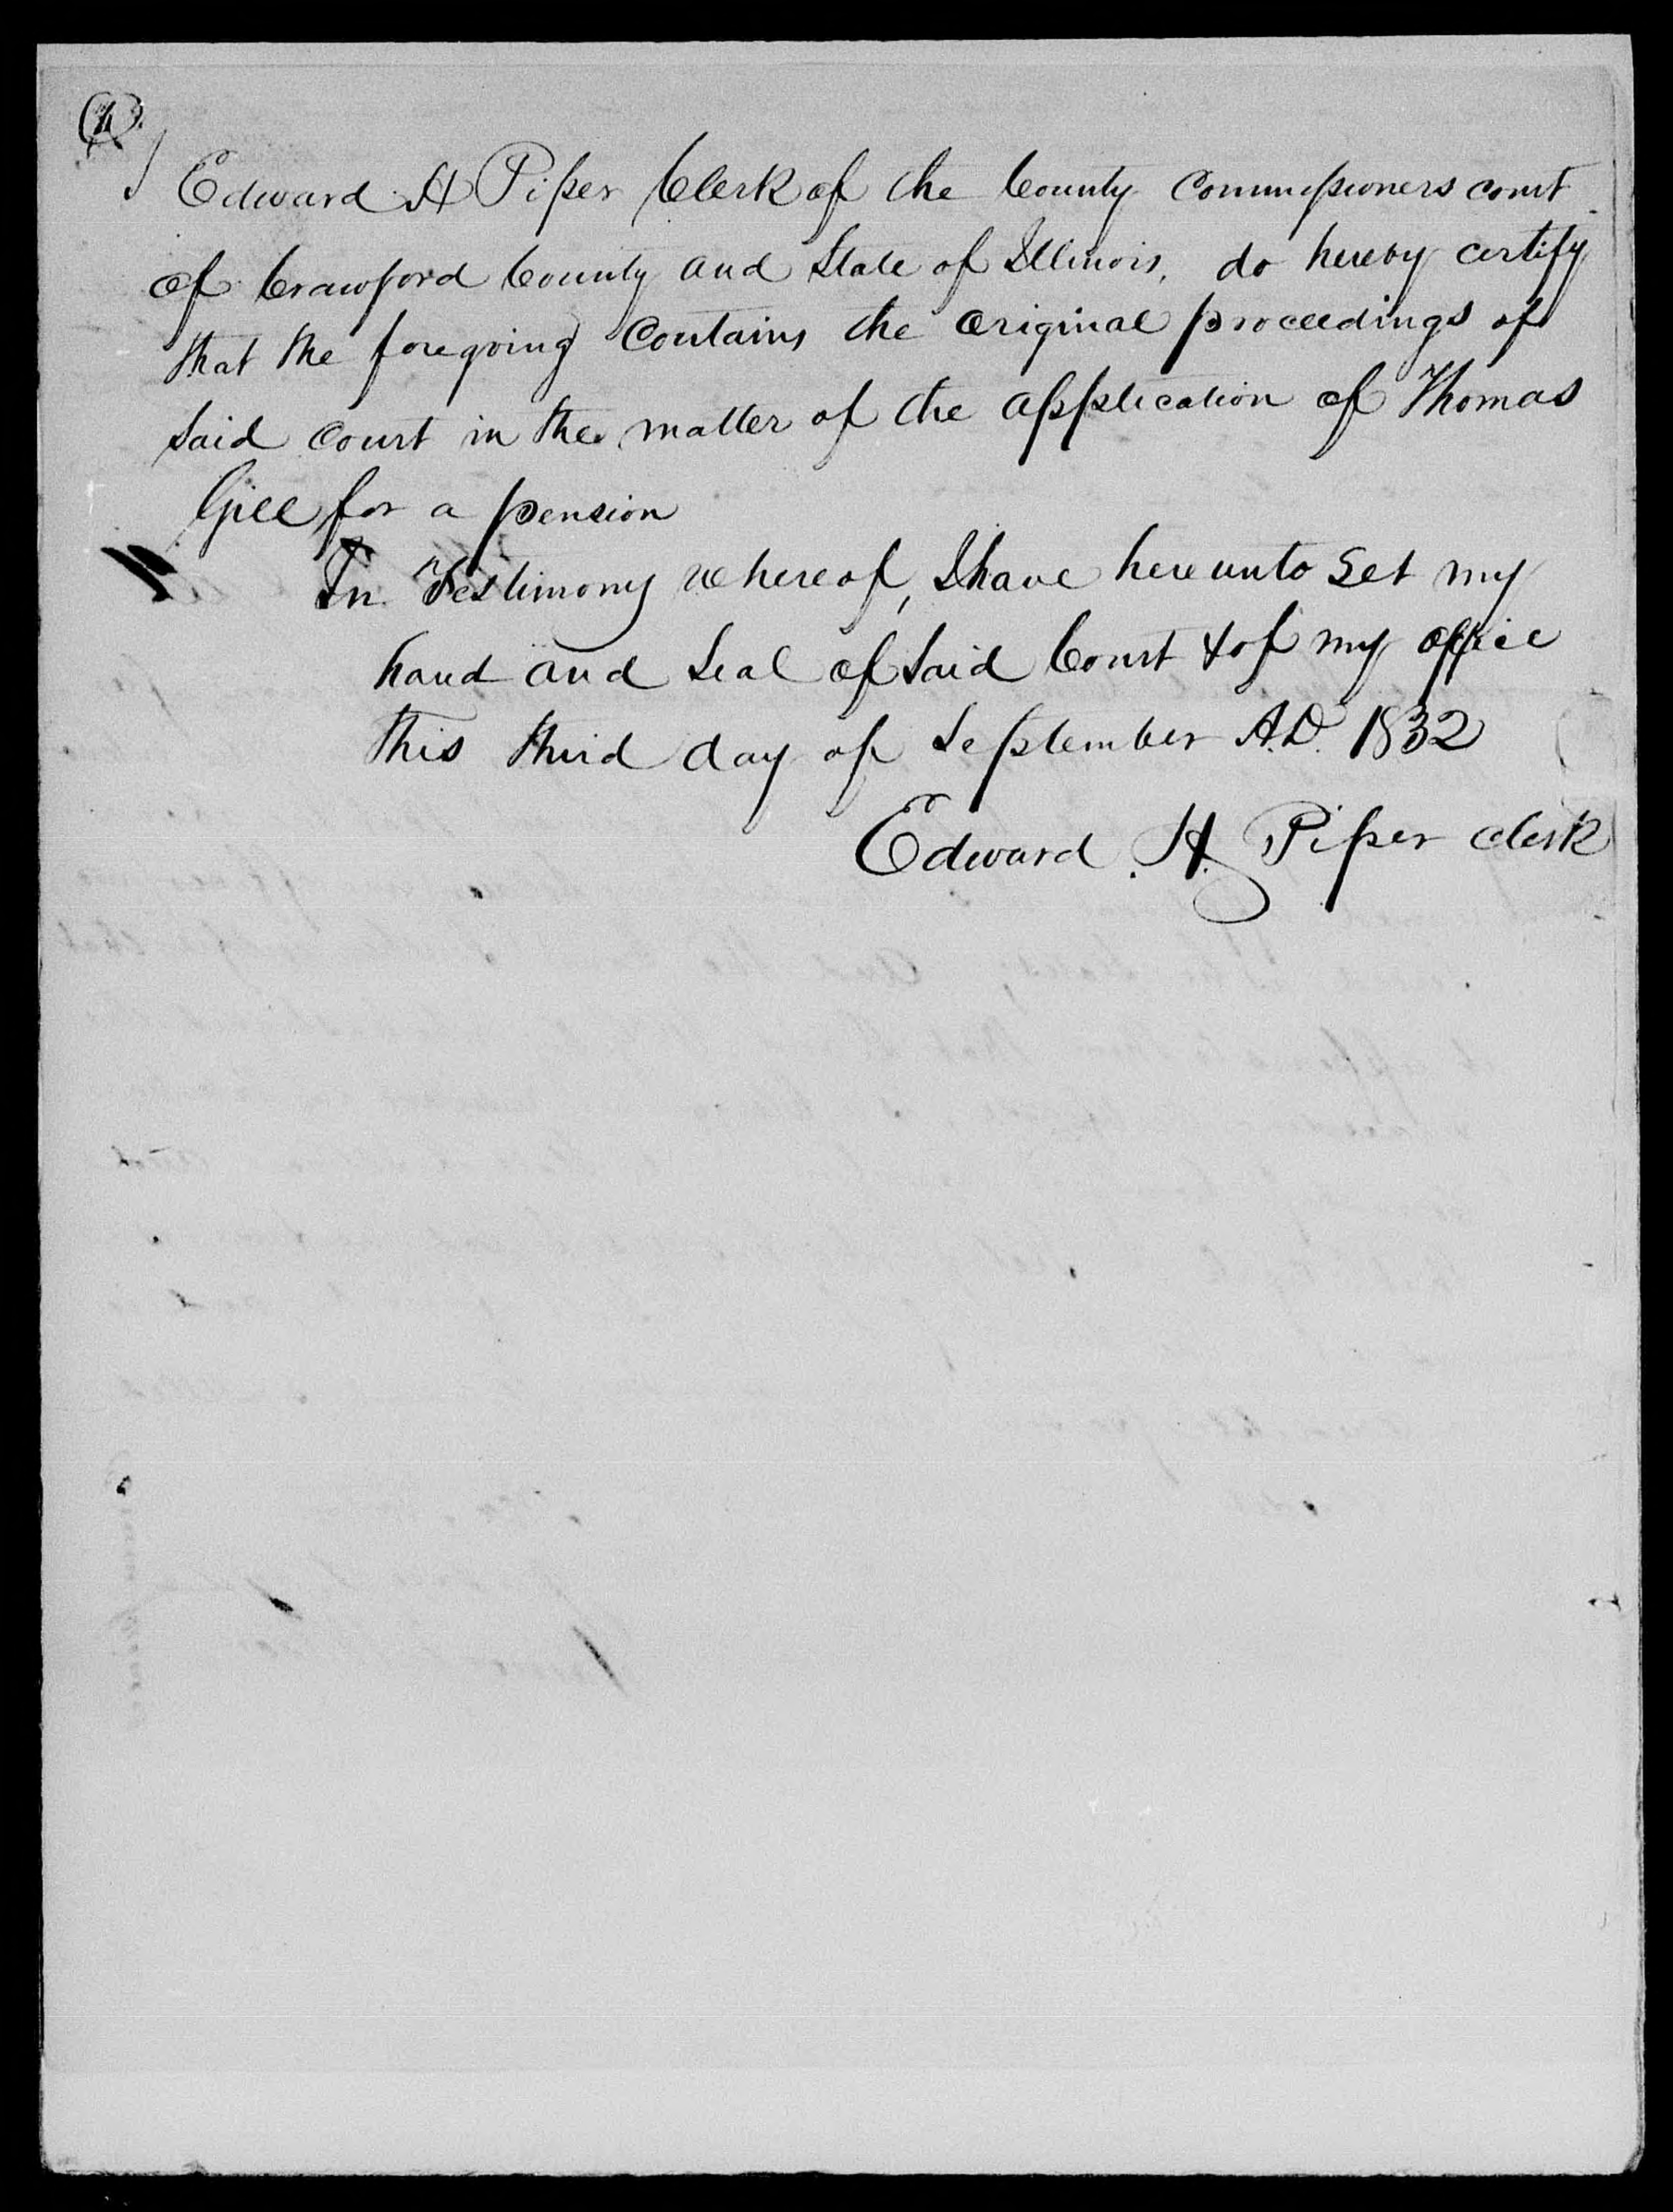(6) I Edward H Piper Clerk of the County Commissioner's Court of Crawford County and State of Illinois, do hereby certify that the foregoing contains the original proceedings of said Court in the matter of the application of  Thomas Gill for a pension. In testimony whereof I have hereunto set my hand  and seal of said Court  & of my office this third day of September  A. D. 1832. Edward H. Piper ( signed ) Clerk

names: Thomas Gill, Edward H Piper, Edward H Piper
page: 12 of 44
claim: survivor's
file: S. 31,061, Thomas Gill, S.C.